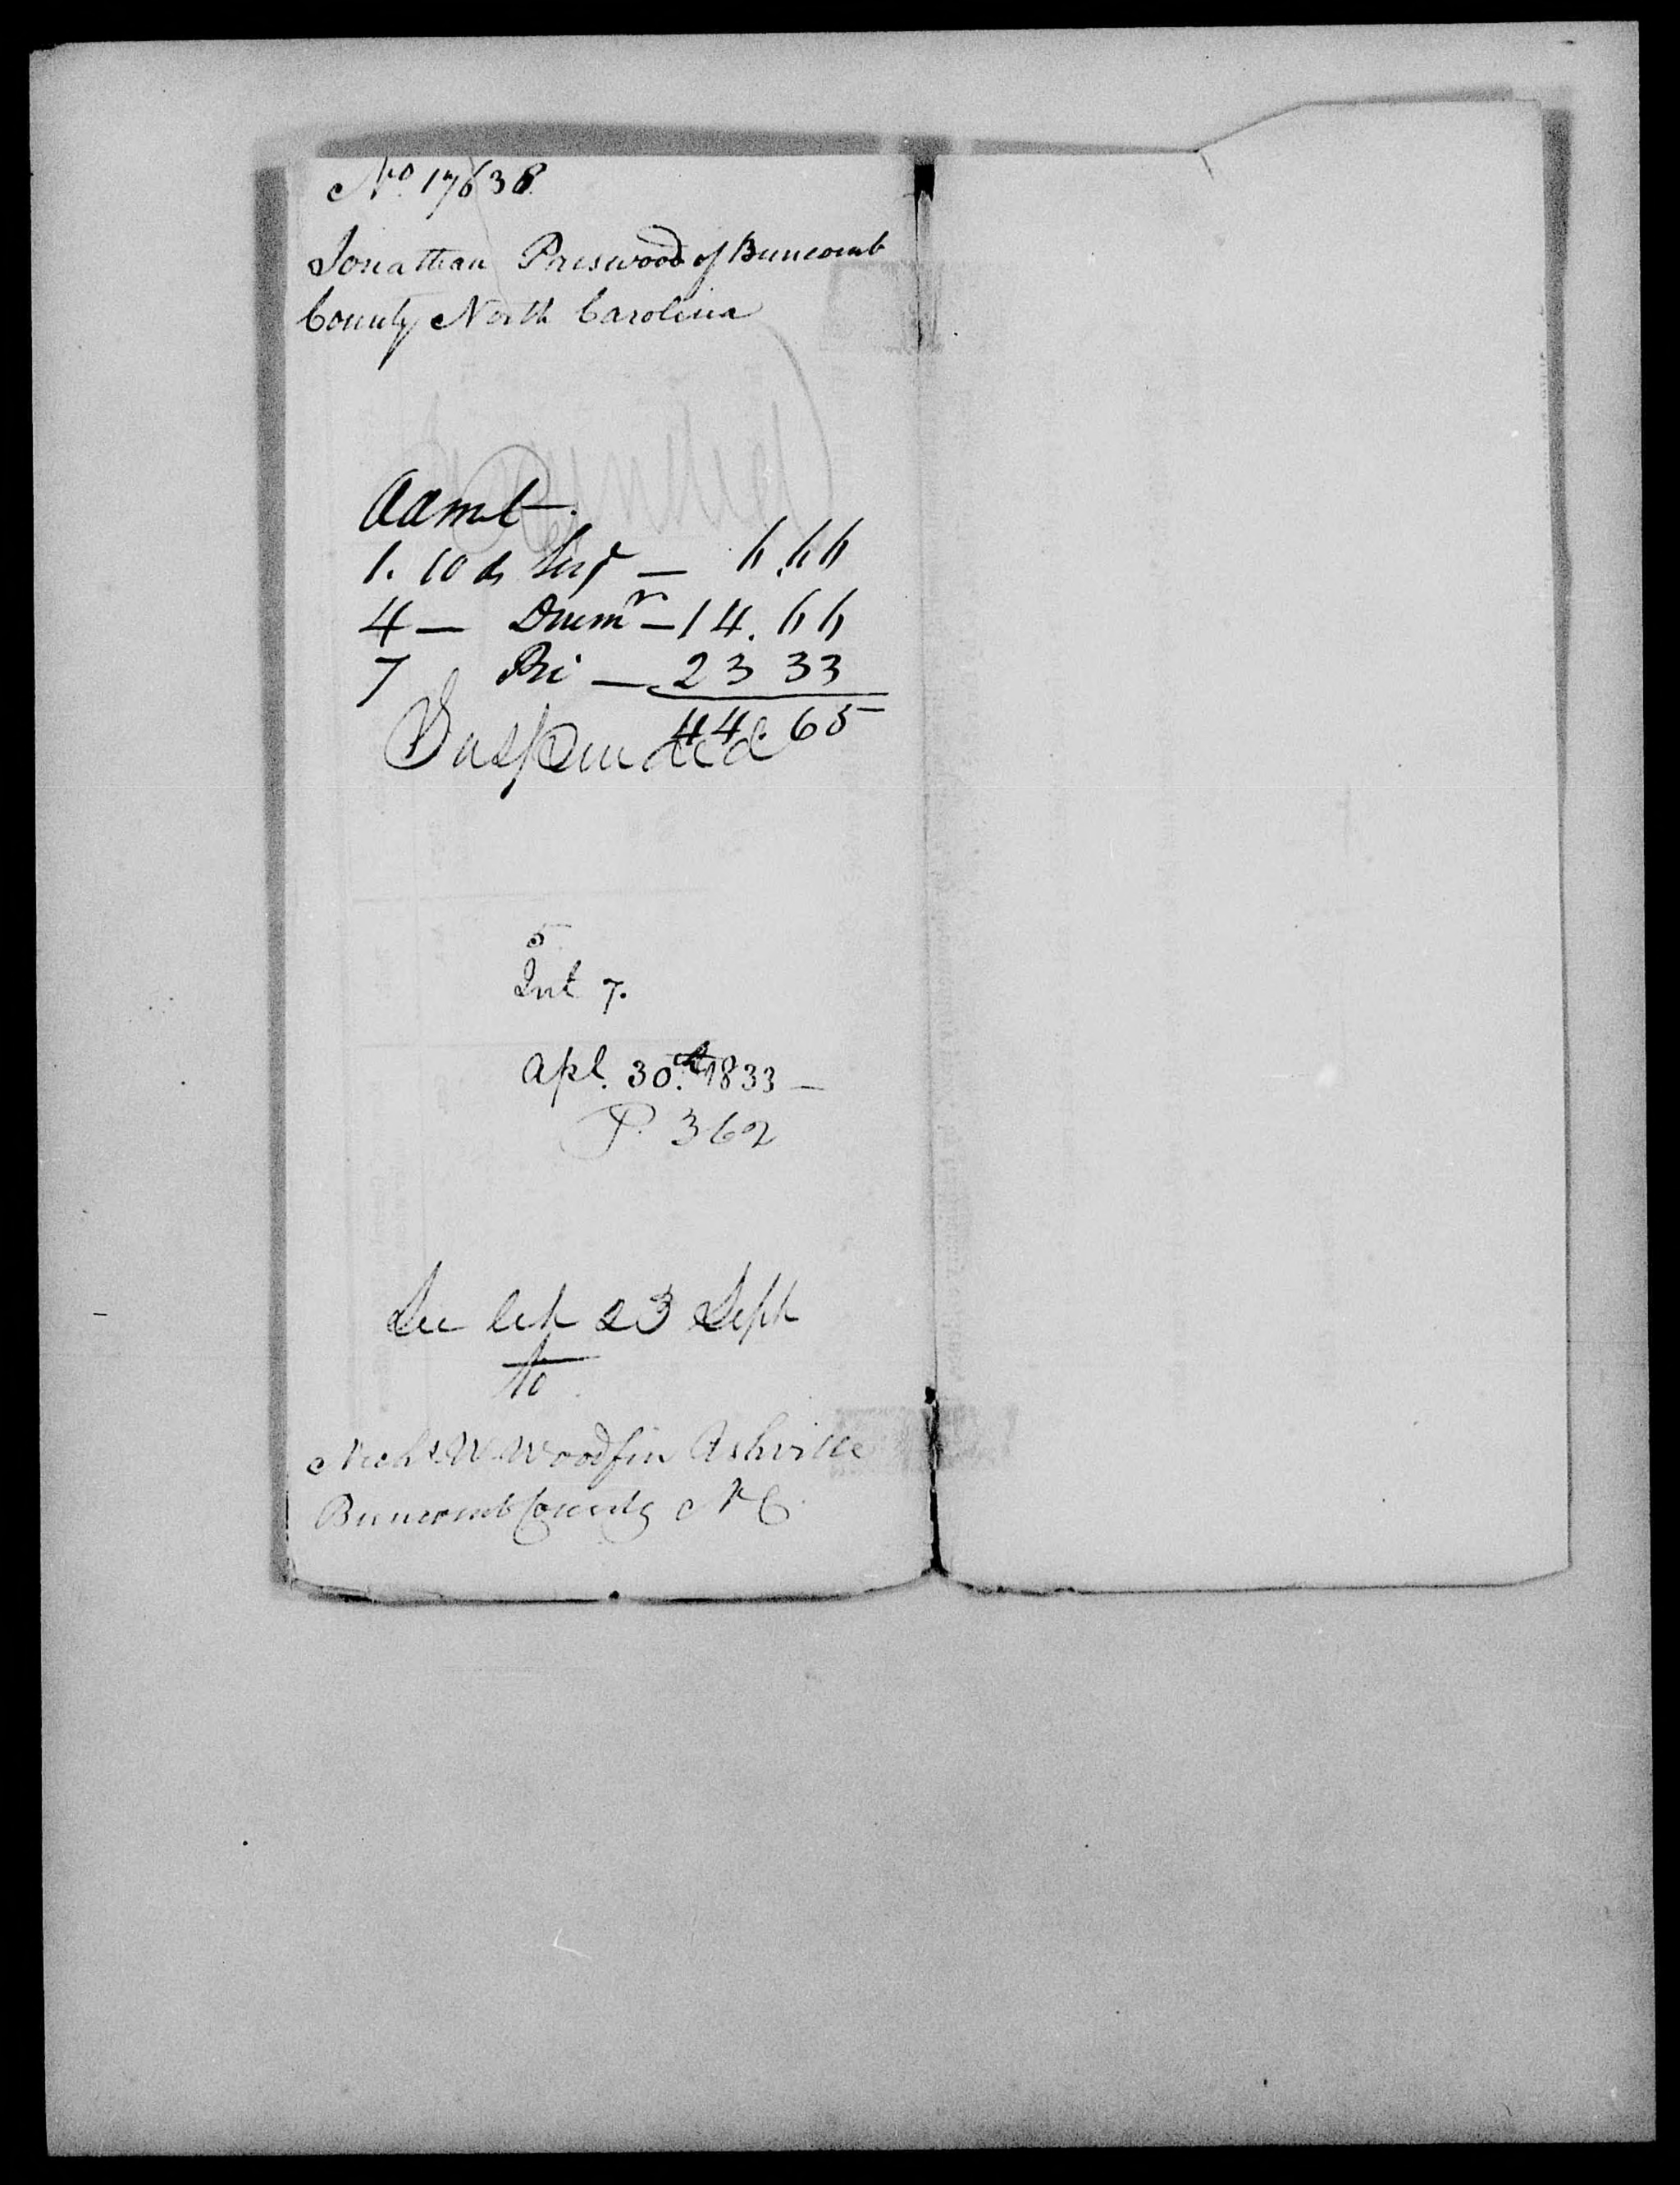No 17638
Jonathan Preswood [Prestwood] of Buncombe County North Carolina

Admit
1.10 days  Serg 6.66
4 - Drumr - 14.66
7 Pri - 23.33
= 44.65

Suspended

Int %
Apl 30th 1833
P. 362

See let 23 Sept to Nichs W. Woodfin Asheville
Buncombe County NC.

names: Jonathan Preswood; Nichs W Woodfin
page: 3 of 13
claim: survivor's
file: S. 8,977, for Jonathan Prestwood, South Carolina